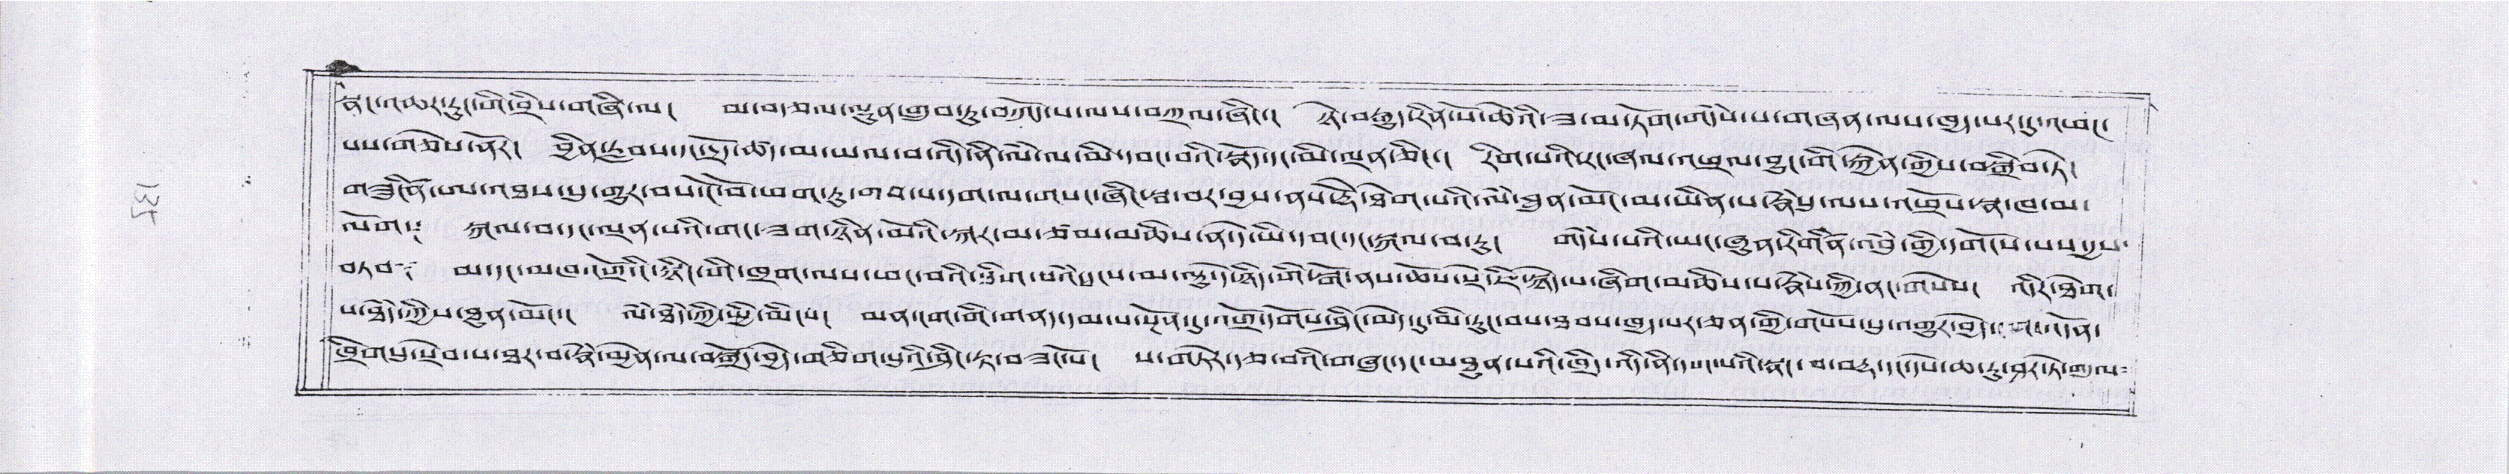སྣང་འཆར་རུང་གི་བྲིས་གཞི་ལ། མ་བརྩལ་ལྷུན་གྲུབ་ཏུ་བཀོད་པ་ལས་བཀྲལ་ཞིང་། ཉེ་བརྒྱུད་རིན་པོ་ཆེའི་ཟ་མ་ཏོག་གདམས་པ་གཞན་ལས་ཁྱད་པར་དུ་འཕགས་
པས་གཅེས་ནོར། བྱིན་རླབས་དང་དྲོད་ཚད་མ་ཡལ་བ་འདི་ནི་མི་ལ་མི་དབང་བའི་སྣོད་དང་མི་ལྡན་ཅིང་། རིག་པའི་རང་ཞལ་འཕྲལ་བྱུང་གི་རྐྱེན་གྱིས་བསྒྲིབས་ཏེ། 
གཟུང་འཛིན་ཨ་འཐས་སུ་གྱུར་པས་ངོ་བོ་ཕག་ཏུ་གབ་པ་དག་ལ་གསང་ཞིང་སྦ་བར་བྱས་ནས་རྡོ་རྗེ་ཐེག་པའི་ལམ་ཐུན་མོང་མ་ཡིན་པ་རྣམས་སུ་ལས་འཕྲོས་སྣ་ཁ་མ་
ལོག སྐལ་པ་དང་ལྡན་པའི་གང་ཟག་ཉིན་མོའི་སྐར་མ་ཙམ་མཆིས་ན་དེའི་དབང་དང་སྐལ་པ་རུ། གདམས་པའི་ཡང་ཞུན་རིག་འཛིན་འབུམ་གྱི་དགོངས་པས་རྒྱས་
བཏབ། མ་དང་མཁའ་འགྲོའི་སྙིང་དང་ཁྲག་ལས་ཕངས་པའི་ཐིགས་པའི་དངས་མ་ལྟ་བུ་དེ་ཉིད་ཀྱི་སྒོ་ནས་ཆོས་སྡེ་ཇི་སྙེད་པ་ཞིག་མཆིས་པ་རྣམས་ཀྱི་ནང་གསེས། འདིར་ཐེག་
པ་ཐམས་ཅད་ཀྱི་ཐུན་མོང་། ལམ་ཐམས་ཅད་ཀྱི་སྤྱི་ཆིངས། མན་ངག་གི་གནད་དམ་པ་སྔོན་དུ་འགྲོ་དགོས་ཤིང་མེད་དུ་མི་རུང་བས་ཐབས་ཁྱད་པར་ཅན་གྱི་གསོས་སུ་འགྱུར་བྱེད་ངག་འདོན་
ཁྲིགས་སུ་བསྡེབས་པ་ཐར་པ་རྣམ་མཁྱེན་ལ་བགྲོད་བྱེད་གཅིག་པུའི་ཤིང་རྟ་བཟང་པོ། ས་གཏེར་རྩ་བའི་གཞུང་དང་མཐུན་པའི་ཁྲིད་འདི་ནི་དག་པའི་སྣང་བ་བརྡ་དང་དཔེ་ཆ་རུ་ཤར་ཏེ་གདུལ་